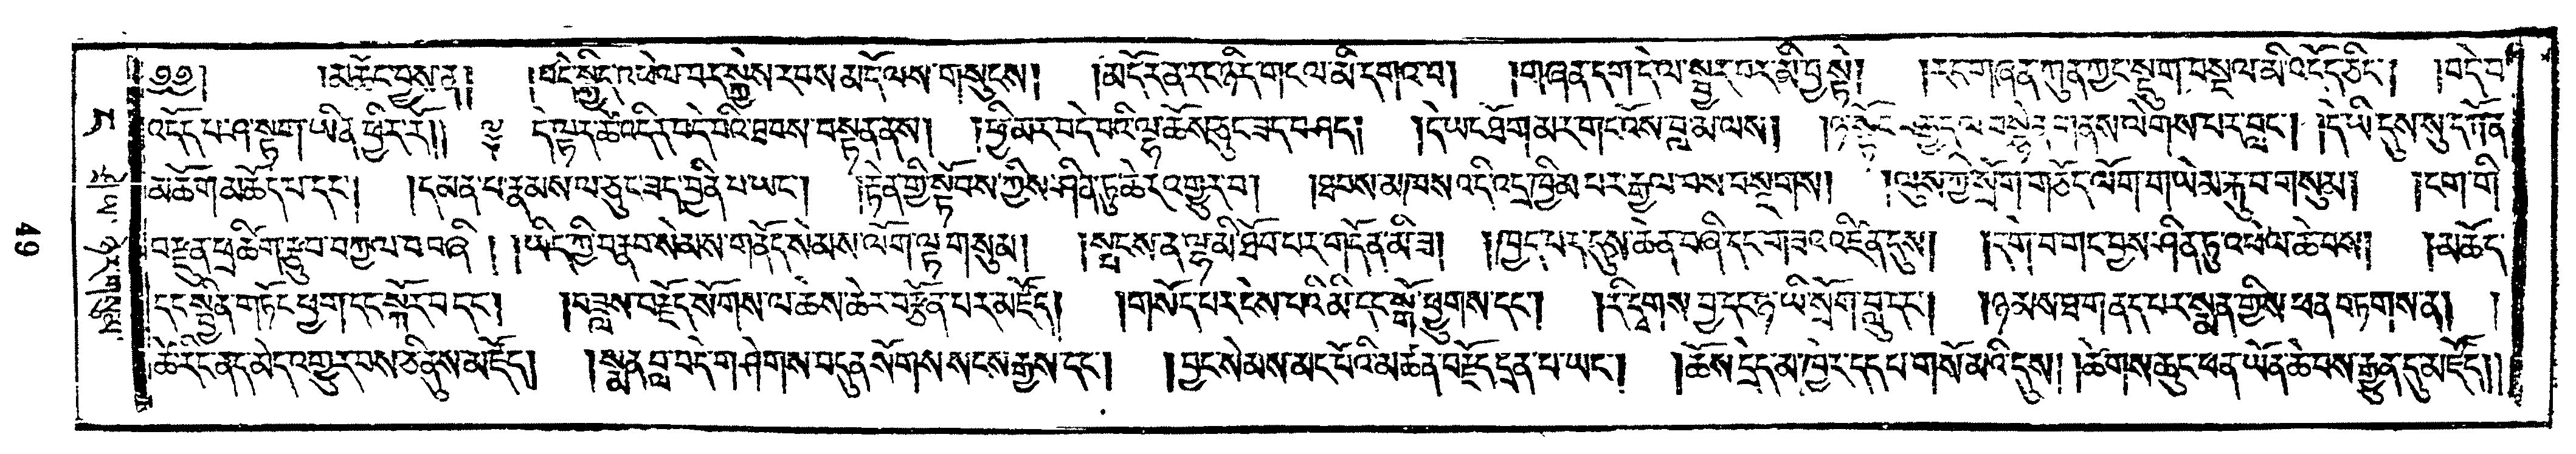༄༅། །མཆོད་བྱས་ན། །བདེ་སྐྱིད་འཕེལ་བར་སྐྱེས་རབས་མདོ་ལས་གསུངས། །མདོར་ན་རང་ཉིད་གང་ལ་མི་དགའ་བ། །གཞན་དག་དེ་ལ་སྦྱར་བར་མི་བྱ་སྟེ། །རང་གཞན་ཀུན་ཀྱང་སྡུག་བསྔལ་མི་འདོད་ཅིང་། །བདེ་བ་
འདོད་པ་ཤ་སྟག་ཡིན་ཕྱིར་རོ།། ༈ དེ་ལྟར་ཚེ་འདིར་བདེ་བའི་ཐབས་བསྟན་ནས། །ཕྱི་མར་བདེ་བའི་ལྷ་ཆོས་ཅུང་ཟད་བཤད། །དེ་ཡང་ཐོག་མར་གང་འོས་བླ་མ་ལས། །ཉ་སྟོང་བརྒྱད་ལ་བསྙེན་གནས་ལེགས་པར་བླང་། །དེ་ཡི་དུས་སུ་དཀོན་
མཆོག་མཆོད་པ་དང་། །དམན་པ་རྣམས་ལ་ཅུང་ཟད་བྱིན་པ་ཡང་། །རྟེན་གྱི་སྟོབས་ཀྱིས་ཤིན་ཏུ་ཆེར་འགྱུར་བ། །ཐབས་མཁས་འདི་འདྲ་ཁྱིམ་པར་རྒྱལ་བས་བསྔགས། །ལུས་ཀྱི་སྲོག་གཅོད་ལོག་གཡེམ་རྐུ་བ་གསུམ། །ངག་གི་
བརྫུན་ཕྲ་ཚིག་རྩུབ་བཀྱལ་བ་བཞི། །ཡིད་ཀྱི་བརྣབ་སེམས་གནོད་སེམས་ལོག་ལྟ་གསུམ། །སྤངས་ན་ལྷ་མི་ཐོབ་པར་གདོན་མི་ཟ། །ཁྱད་པར་དུས་ཆེན་བཞི་དང་གཟའ་འཛིན་དུས། །དགེ་བ་གང་བྱས་ཤིན་ཏུ་འཕེལ་ཆེ་བས། །མཆོད་
དང་སྦྱིན་གཏོང་ཕྱག་དང་སྐོར་བ་དང་། །བཟླས་བརྗོད་སོགས་ལ་ཆེས་ཆེར་བརྩོན་པར་མཛོད། །གསོད་པར་ངེས་པའི་མི་དང་སྒོ་ཕྱུགས་དང་། །རི་དྭགས་བྱ་དང་ཉ་ཡི་སྲོག་བླུ་དང་། །ཉམས་ཐག་ནད་པར་སྨན་གྱིས་ཕན་བཏགས་ན། །
ཚེ་རིང་ནད་མེད་འགྱུར་བས་ཅི་ནུས་མཛོད། །སྨན་བླ་བདེ་གཤེགས་བདུན་སོགས་སངས་རྒྱས་དང་། །བྱང་སེམས་མང་པོའི་མཚན་བརྗོད་དྲན་པ་ཡང་། །ཆོས་དྲེད་མ་ཁྱེར་དད་པ་གསོ་མའི་དུས། །ཚེགས་ཆུང་ཕན་ཡོན་ཆེ་བས་རྒྱུན་དུ་མཛོད།།